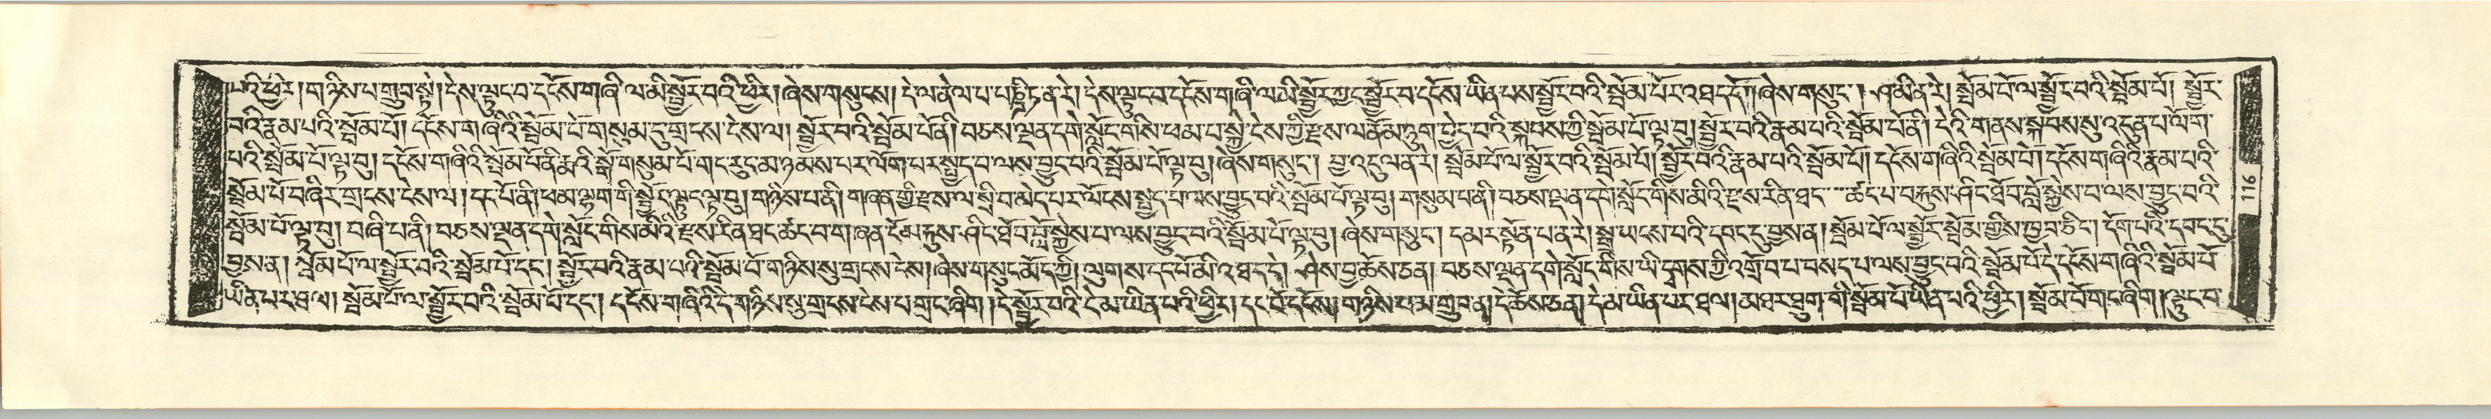པའི་ཕྱིར། གཉིས་པ་གྲུབ་སྟེ། དེས་ལྟུང་བ་དངོས་གཞི་ལ་མི་སྦྱོར་བའི་ཕྱིར། ཞེས་གསུངས། དེ་ལ་ནི་ལ་པ་པཎྜི་ཏ་ན་རེ། དེས་ལྟུང་བ་དངོས་གཞི་ལ་མི་སྦྱོར་ཀྱང་སྦྱོར་བ་དངོས་ཡིན་པས་སྦྱོར་བའི་སྦོམ་པོར་འཐད་དོ། །ཞེས་གསུང་། ཤ་མིན་རེ། སྤོམ་པོ་ལ་སྦྱོར་བའི་སྦོམ་པོ། སྦྱོར་
བའི་རྣམ་པའི་སྦོམ་པོ། དངོས་གཞིའི་སྦོམ་པོ་གསུམ་དུ་གྲངས་ངེས་ལ། སྦྱོར་བའི་སྦོམ་པོ་ནི། བཅས་ལྡན་དགེ་སློང་གིས་ཕམ་པ་སྐྱེ་ངེས་ཀྱི་རྫས་ལ་ནོ་མ་ཉུག་བྱེད་པའི་སྐབས་ཀྱི་སྦོམ་པོ་ལྟ་བུ། སྦྱོར་བའི་རྣམ་པའི་སྦོམ་པོ་ནི། དེའི་གནས་སྐབས་སུ་འདུན་པ་ལོག་
པའི་སྦོམ་པོ་ལྟ་བུ། དངོས་གཞིའི་སྤོམ་པོ་ནི་རྨའི་སྒོ་གསུམ་པོ་གང་རུང་མ་ཉམས་པར་ལོག་པར་སྤྱད་པ་ལས་བྱུང་བའི་སྤོམ་པོ་ལྟ་བུ། ཞེས་གསུང་། བྱ་འདུལ་ན་རེ། སྦོམ་པོ་ལ་སྦྱོར་བའི་སྦོམ་པོ། སྦྱོར་བའི་རྣམ་པའི་སྦོམ་པོ། དངོས་གཞིའི་སྦོམ་པོ། དངོས་གཞིའི་རྣམ་པའི་
སྦོམ་པོ་བཞིར་གྲངས་ངེས་ལ། དང་པོ་ནི། ཕམ་ལྷག་གི་སྦྱོར་ལྟུང་ལྟ་བུ། གཉིས་པ་ནི། གཞན་གྱི་རྫས་ལ་སྲི་བ་མེད་པར་ལོངས་སྤྱད་པ་ལས་བྱུང་བའི་སྦོམ་པོ་ལྟ་བུ། གསུམ་པ་ནི། བཅས་ལྡན་དགེ་སློང་གིས་མིའི་རྫས་རིན་ཐང་། ཚང་པ་བརྐུས་ཤིང་ཐོབ་བློ་སྐྱེས་པ་ལས་བྱུང་བའི་
སྦོམ་པོ་ལྟ་བུ། བཞི་པ་ནི། བཅས་ལྡན་དགེ་སློང་གིས་མའི་རྫས་རིན་ཐང་ཚང་བ་གཞན་ངོམ་རྐུས་ཤིང་ཐོབ་བློ་སྐྱེས་པ་ལས་བྱུང་བའི་སྦོམ་པོ་ལྟ་བུ། ཞེས་གསུང་། དམར་སྟོན་པ་ན་རེ། སྒྲ་ཡངས་པའི་དབང་དུ་བྱས་ན། སྦོམ་པོ་ལ་སྦྱོར་སྦོམ་གྱིས་ཁྱབ་ཅིང་། དོག་པའི་དབང་དུ་
བྱས་ན། སྦོམ་པོ་ལ་སྦྱོར་བའི་སྦོམ་པོ་དང་། སྦྱོར་བའི་རྣམ་པའི་སྦོམ་པོ་གཉིས་སུ་གྲངས་ངེས། ཞེས་གསུང་མོད་ཀྱི། ལུགས་དང་པོ་མི་འཐད་དེ། ཤེས་བྱ་ཆོས་ཅན། བཅས་ལྡན་དགེ་སློང་གིས་ཡི་དྭགས་ཀྱི་འགྲོ་བ་པ་བསད་པ་ལས་བྱུང་བའི་སྦོམ་པོ་དེ་དངོས་གཞིའི་སྦོམ་པོ་
ཡིན་པར་ཐལ། སྦོམ་པོ་ལ་སྦྱོར་བའི་སྦོམ་པོ་དང་། དངོས་གཞིའི་དེ་གཉིས་སུ་གྲངས་ངེས་པ་གང་ཞིག །དེ་སྦྱོར་བའི་དེ་མ་ཡིན་པའི་ཕྱིར། དང་པོ་དངོས། གཉིས་པ་མ་གྲུབ་ན། དེ་ཆོས་ཅན། དེ་མ་ཡིན་པར་ཐལ། མཐར་ཐུག་གི་སྦོམ་པོ་ཡིན་པར་ཐལ། མཐར་ཐུག་གི་སྦོམ་པོ་ཡིན་པའི་ཕྱིར། སྦོམ་པོ་གང་ཞིག །ལྟུང་བ་